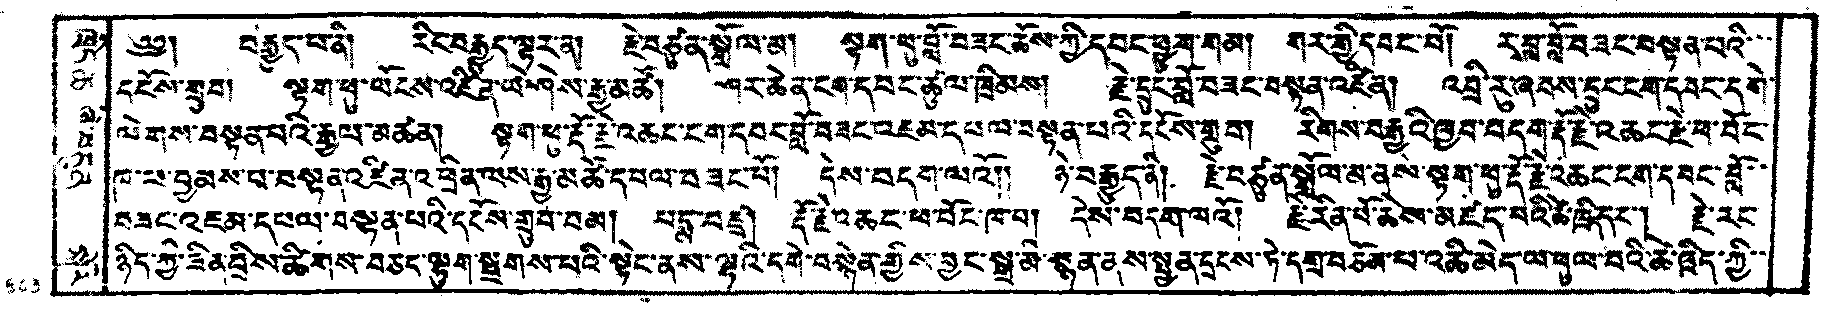༄༅། །བརྒྱུད་པ་ནི། རིང་བརྒྱུད་ལྟར་ན། རྗེ་བཙུན་སྒྲོལ་མ། སྟག་ཕུ་བློ་བཟང་ཆོས་ཀྱི་དབང་ཕྱུག་གམ། གར་གྱི་དབང་པོ། རྭ་བླ་བློ་བཟང་བསྟན་པའི་
དངོས་གྲུབ། སྟག་ཕུ་ཡོངས་འཛིན་ཡེ་ཤེས་རྒྱ་མཚོ། ཤར་ཆེན་ངག་དབང་ཚུལ་ཁྲིམས། རྗེ་དྲུང་བློ་བཟང་བསྟན་འཛིན། འབྲི་རུ་ཞབས་དྲུང་ངག་དབང་དགེ་
ལེགས་བསྟན་པའི་རྒྱལ་མཚན། སྟག་ཕུ་རྡོ་རྗེ་འཆང་ངག་དབང་བློ་བཟང་འཇམ་དཔལ་བསྟན་པའི་དངོས་གྲུབ། རིགས་བརྒྱའི་ཁྱབ་བདག་རྡོ་རྗེ་འཆང་རྗེ་ཕ་བོང་
ཁ་པ་བྱམས་པ་བསྟན་འཛིན་འཕྲིན་ལས་རྒྱ་མཚོ་དཔལ་བཟང་པོ། དེས་བདག་ལའོ། །ཉེ་བརྒྱུད་ནི། རྗེ་བཙུན་སྒྲོལ་མ་ནས་སྟག་ཕུ་རྡོ་རྗེ་འཆང་ངག་དབང་བློ་
བཟང་འཇམ་དཔལ་བསྟན་པའི་དངོས་གྲུབ་བམ། པདམ་བཛྲ། རྡོ་རྗེ་འཆང་ཕ་བོང་ཁ་པ། དེས་བདག་ལའོ། རྗེ་རིན་པོ་ཆེས་མཛད་པའི་ཚེ་ཁྲིད་དང་། རྗེ་རང་
ཉིད་ཀྱི་ཟིན་བྲིས་ཚིགས་བཅད་ལྷུག་སྦྲགས་པའི་སྟེང་ནས་ལྷའི་དགེ་བསྙེན་གྱིས་བྱང་སྒྲ་མི་སྙན་ནས་སྤྱན་དྲངས་ཏེ་དགྲ་བཅོམ་པ་འཆི་མེད་ལ་ཕུལ་བའི་ཚེ་ཁྲིད་ཀྱི་